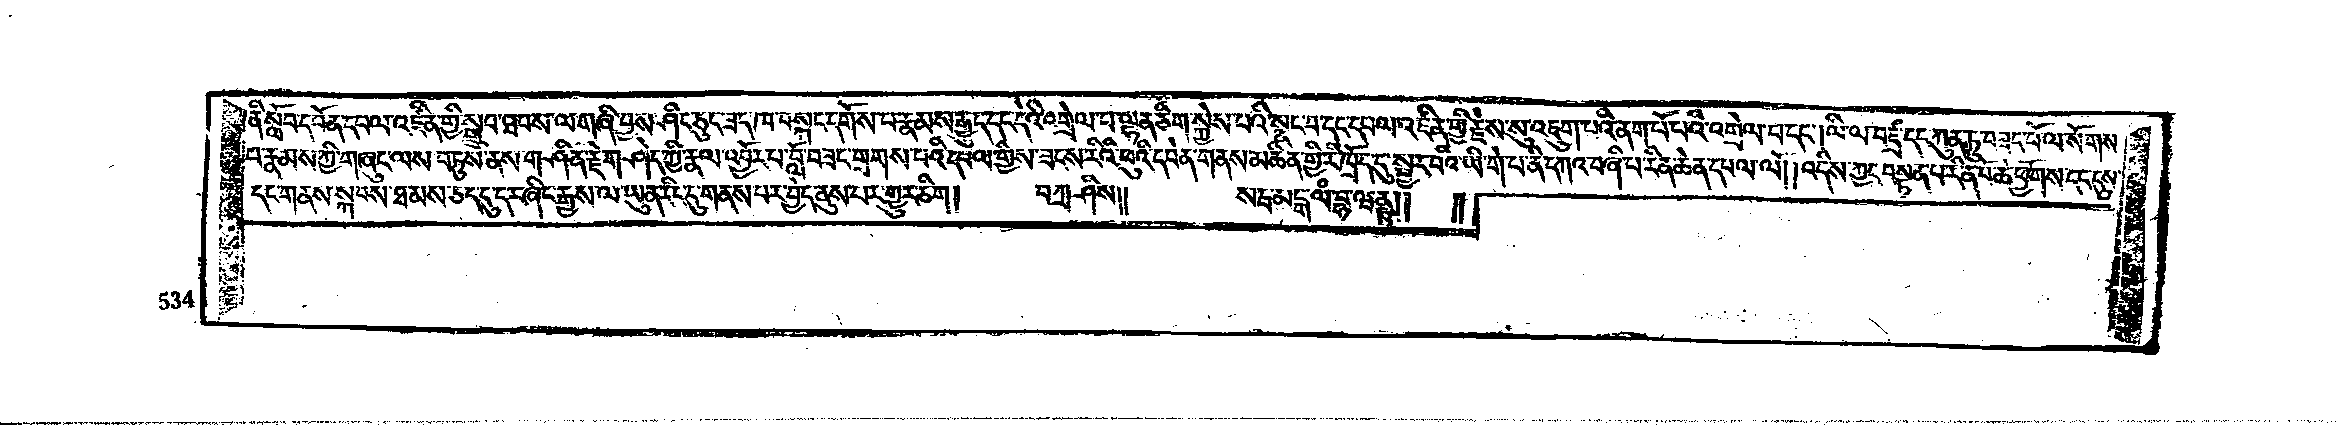ནི་སློབ་དཔོན་དཔལ་འཛིན་གྱི་སྒྲུབ་ཐབས་ལ་གཞི་བྱས་ཤིང་ཅུང་ཟད་ཁ་བསྐང་དགོས་པ་རྣམས་རྒྱུད་དང་དེའི་འགྲེལ་པ་ལྷན་ཅིག་སྐྱེས་པའི་སྣང་བ་དང་དཔལ་འཛིན་གྱི་རྗེས་སུ་འཇུག་པའི་ནག་པོ་པའི་འགྲེལ་བ་དང་། ལི་ལ་བཛྲ་དང་ཀུན་ཏུ་བཟང་པོ་ལ་སོགས་
པ་རྣམས་ཀྱི་གཞུང་ལས་བཏུས་ནས་གཤིན་རྗེ་གཤེད་ཀྱི་རྣལ་འབྱོར་པ་བློ་བཟང་གྲགས་པའི་དཔལ་གྱིས་ཟངས་རིའི་ཕུའི་དབེན་གནས་མཆིན་གྱི་རི་ཁྲོད་དུ་སྦྱར་བའི་ཡི་གེ་པ་ནི་དཀའ་བཞི་པ་རིན་ཆེན་དཔལ་ལོ། །འདིས་ཀྱང་བསྟན་པ་རིན་པོ་ཆེ་ཕྱོགས་དང་དུས་
དང་གནས་སྐབས་ཐམས་ཅད་དུ་དར་ཞིང་རྒྱས་ལ་ཡུན་རིང་དུ་གནས་པར་བྱེད་ནུས་པར་གྱུར་ཅིག། བཀྲ་ཤིས།། སརྦ་མངྒ་ལཾ་བྷ་ཝན་ཏུ།། །།